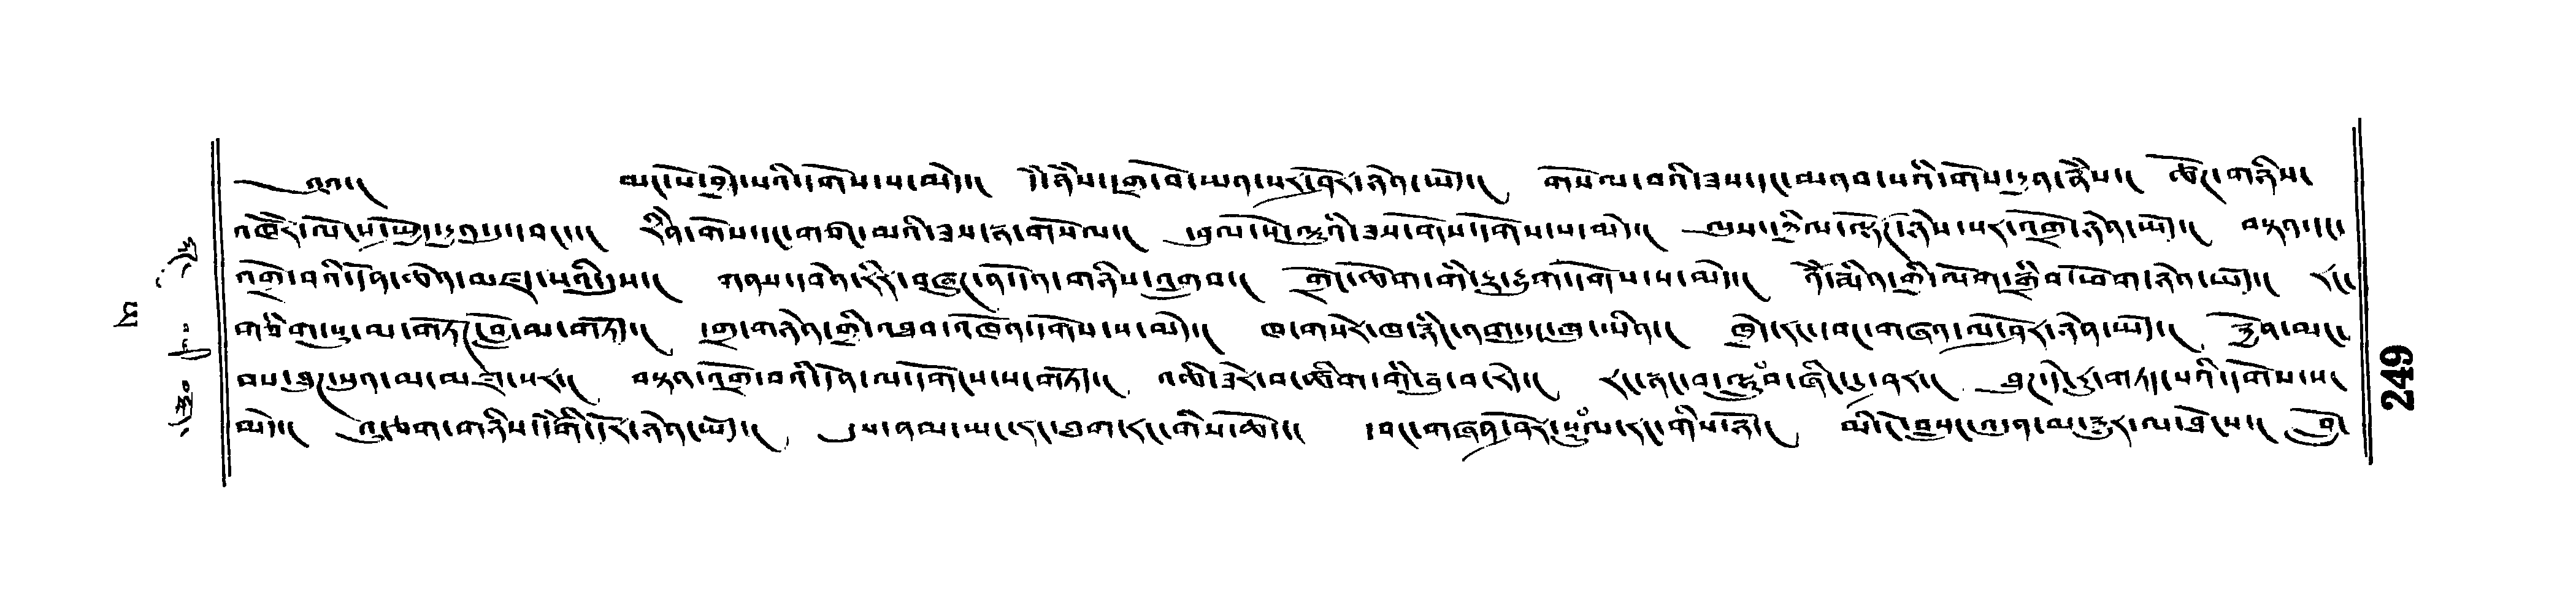མང་པོ་བྱེད་པའི་དགོས་པ་མེད། །དམ་ཉམས་དགྲ་བོ་ཡན་པར་ཤོར་ཉེན་ཡོད། །གསོལ་བའི་ཟས་དང་མནབ་པའི་གོས་རྒྱན་རྣམས། །ཚོགས་གཉིས་
འཁོར་ལོ་ལོངས་སྤྱོད་རྒྱན་དུ་དབང་། །རིན་ཆེན་གོས་དང་གཙང་མའི་ཟས་སྣ་གསོལ། །དབུལ་པོ་ལྟ་བུའི་ཟས་གོས་དགོས་པ་མེད། །ལུས་དཀྱིལ་ལྷ་ཚོགས་ཉེས་པར་འགྲོ་ཉེན་ཡོད། །བསྟན་དང་
འགྲོ་བའི་དོན་ཆེན་མཛད་པའི་དུས། །གནས་དབེན་རིར་བཞུགས་ན་དོན་གཉིས་འགྲུབ། །གྲོང་ཆོག་གི་རྟ་རྒྱུག་དགོས་པ་མེད། །རྣམ་སྨིན་གྱི་ལོག་སྒྲིབ་ཕོག་ཉེན་ཡོད། །རང་
གཅིག་པུ་མ་གཏོགས་བློ་མ་གཏོད། །དགྲ་གཉེན་གྱི་འཐབ་འཁོན་དགོས་པ་མེད། ཁ་གསེར་ཁ་སྙིང་ནག་དུད་ཁུ་ཡིན། ཁྱེད་རང་དབང་གཞན་ལ་ཤོར་ཉེན་ཡོད། །སྐྱོན་མང་
བས་ཐུགས་སུན་མ་མཛད་པར། །བསྟན་འགྲོ་བའི་དོན་ལ་དགོངས་པ་གཏོད། འཆི་ཟེར་བ་ཚིག་གི་ལྦུ་བ་རེད། །རང་སྣང་བ་ལྷུན་གྲུབ་ཞིང་དུ་ཤར། །ཐུགས་དེ་རུ་གཏད་པའི་དགོས་པ་
མེད། །འུ་ཅག་གཉིས་དམ་ཚིག་དོར་ཉེན་ཡོད། །དུས་ནམ་ཡང་རང་ཐག་རང་གིས་ཆོད། །དབང་གཞན་ཤོར་སྡུག་བསྔལ་རང་གིས་ཉོ། མིའི་ངོ་བསྲུང་འདུན་མ་སྐྱུར་ལ་ཐོངས། །བློ་